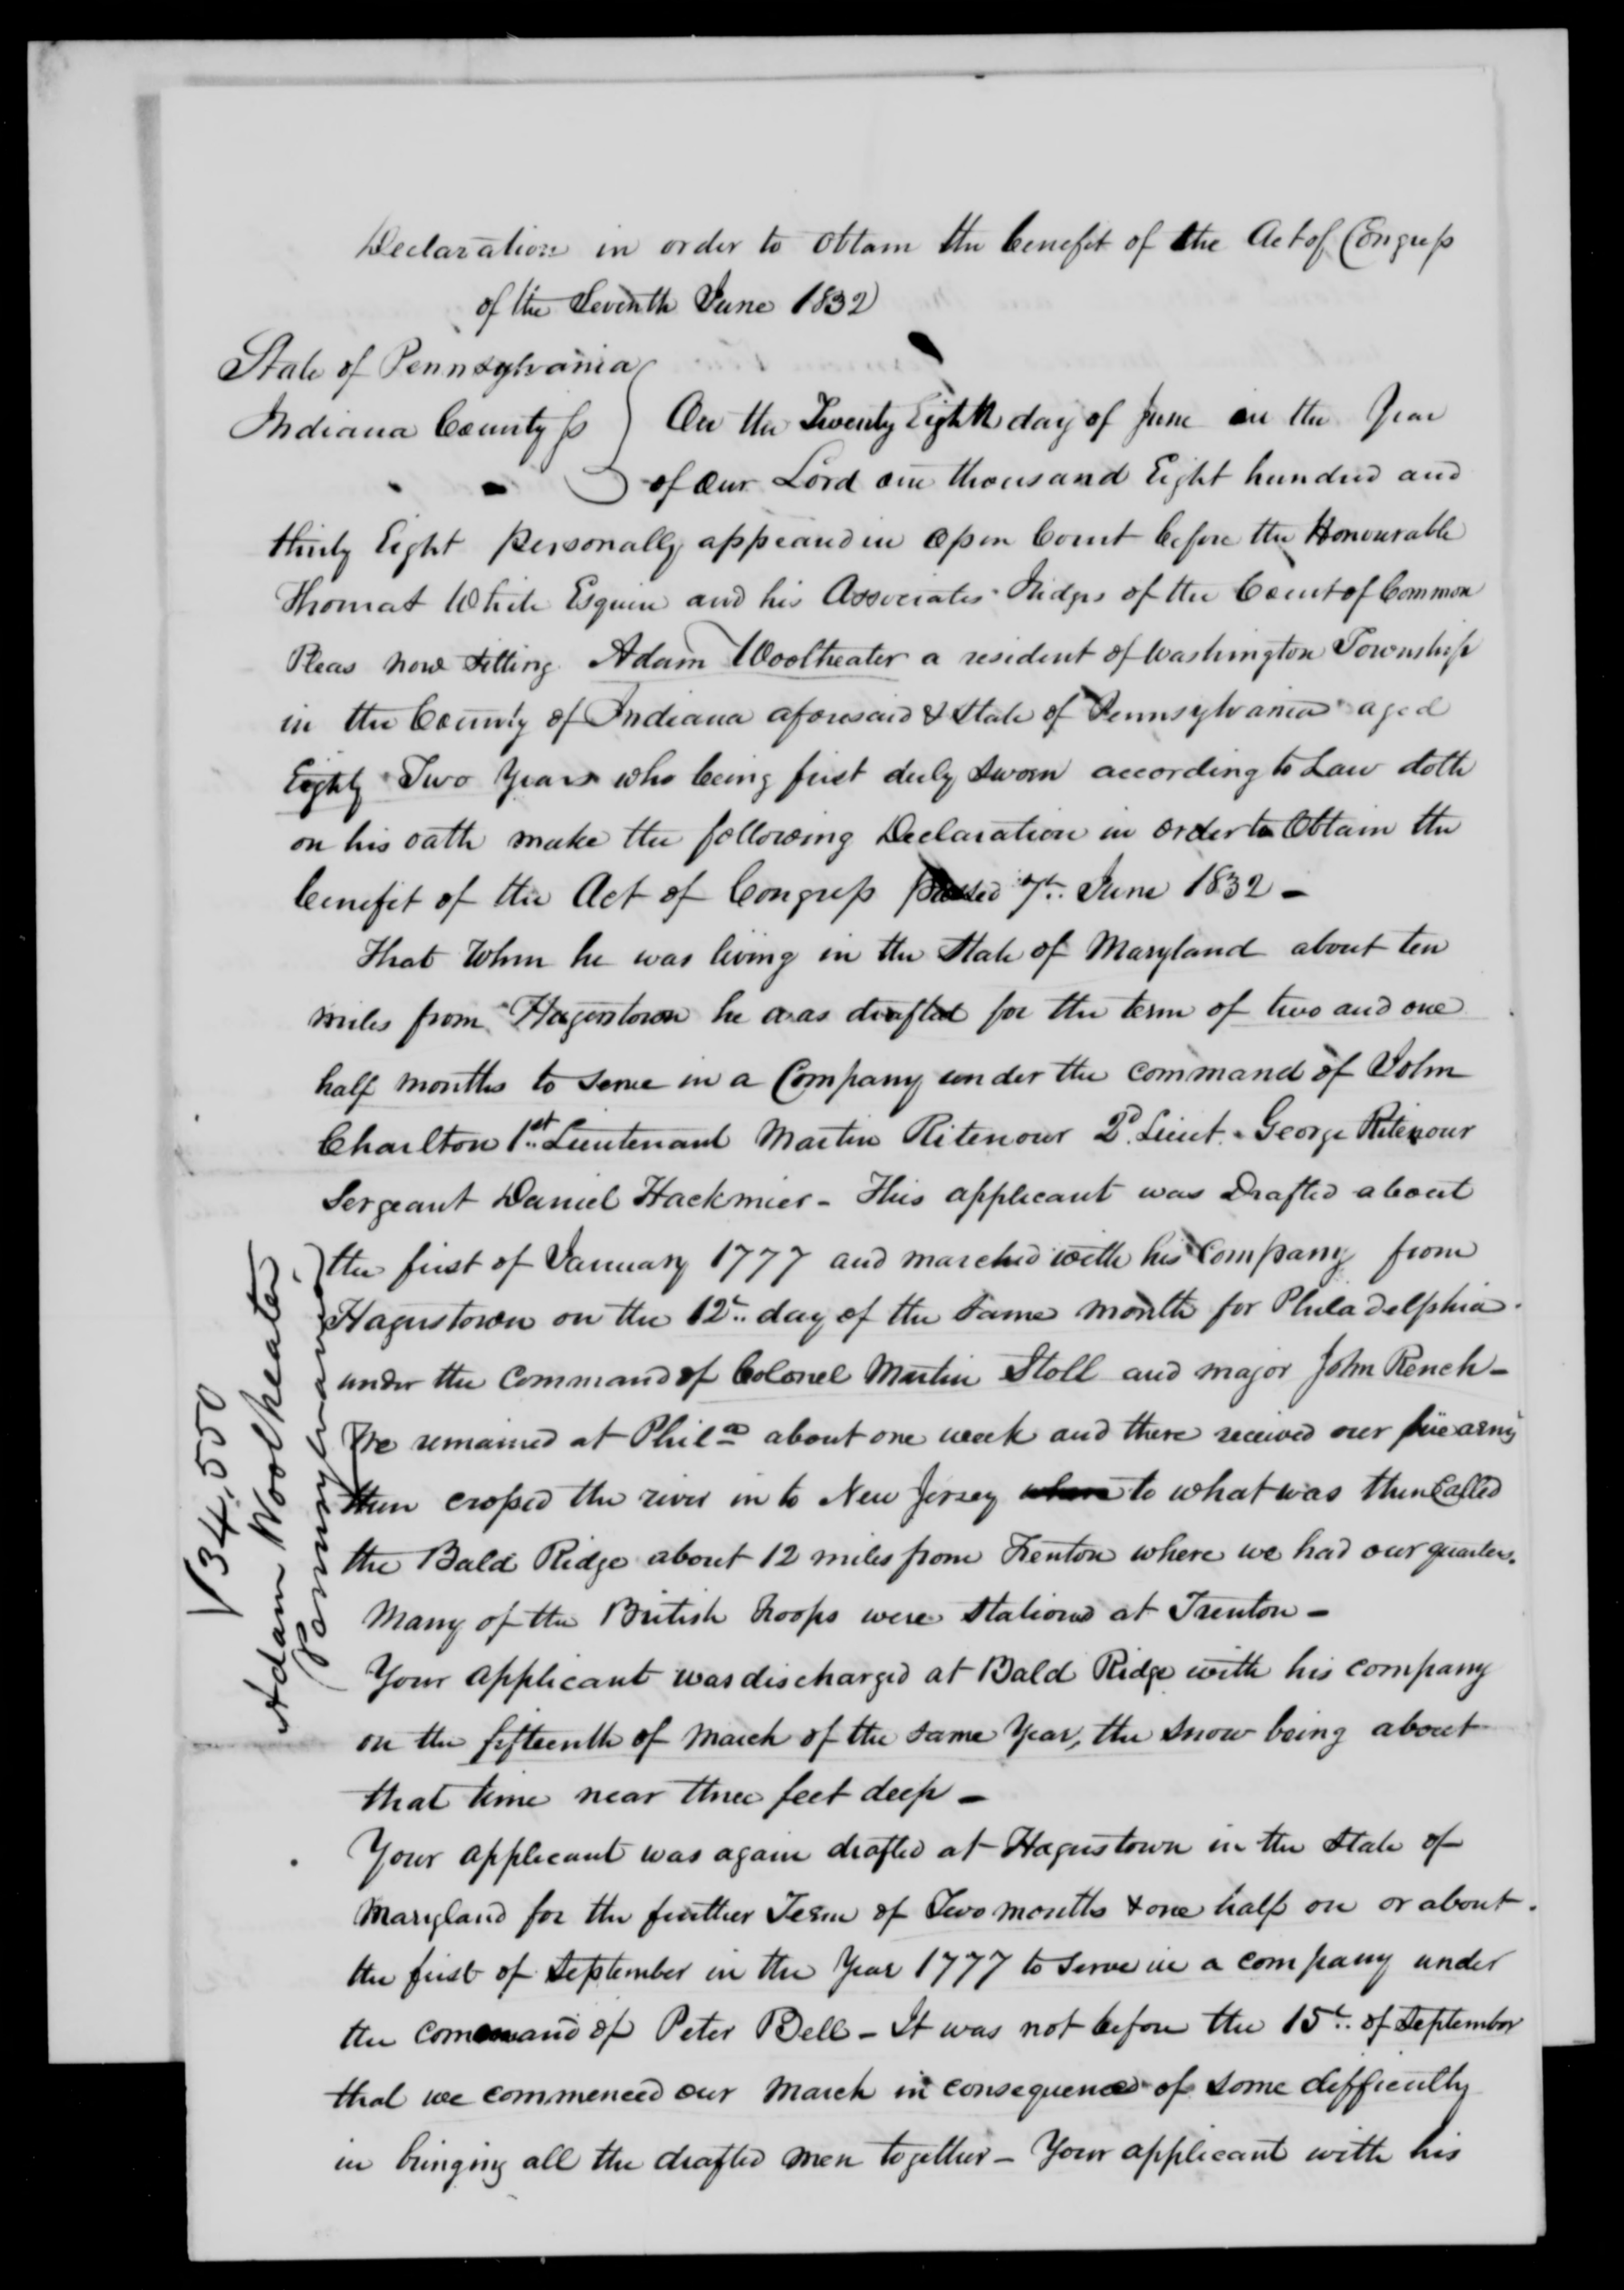Declaration in order to obtain the benefit of the Act of Congress of the Seventh June 1832
State of Pennsylvania Indiana County ss
On the Twenty Eighth day of June in the year
of our Lord one thousand Eight hundred and
thirty Eight personally appeared in Open Court before the Honourable Thomas White Esquire and his associate Judges of the Court of Common Pleas now sitting, Adam Woolheater a resident of Washington Township in the County of Indiana aforesaid & State of Pennsylvania aged Eighty
Two years who being first duly sworn according to Law doth on his oath make the following Declaration in order to obtain the benefit of the Act of Congress passed 7th June 1832-
That when he was living in the State of Maryland about ten miles from Hagerstown he was drafted for the term of two and one half months to serve in a company under the command of John
Charlton, 1st Lieutenant Martin Ritenour, 2d Lieut. George Ritenour, Sergeant Daniel Hackmier. This applicant was drafted about the first of January 1777 and marched with his company from
Hagerstown on the 12th day of the same month for Philadelphia under the command of Colonel Martin Stoll and Major John Rench- We remained at Phil’a about one week and there received our [illegible-provisions?]
then crossed the river in to New Jersey to what was then called the Bald Ridge about 12 miles from Trenton where we had our quarters. Many of the British troops were stationed at Trenton. 
Your applicant was discharged at Bald Ridge with his company on the fifteenth of March of the same year, the snow being about that time near three feet deep -
Your applicant was again drafted at Hagerstown in the State of Maryland for the further Term of Two months & one half on or about the first of September in the year 1777 to serve in a company under the command of Peter Bell-- It was not before the 15th of September that we commenced our march in consequence of some difficulty
in bringing all the drafted men together. Your applicant with his

[left margin-sideways]
V 34.550 
Adam Woolheater
Pennsylvania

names: Martin Stoll, John Rench, Thomas White, George Ritenour, John Charlton, Peter Bell, Adam Woolheater, Daniel Hackmier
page: 2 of 18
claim: rejected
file: R. 11854, Adam Woolheater, Md.